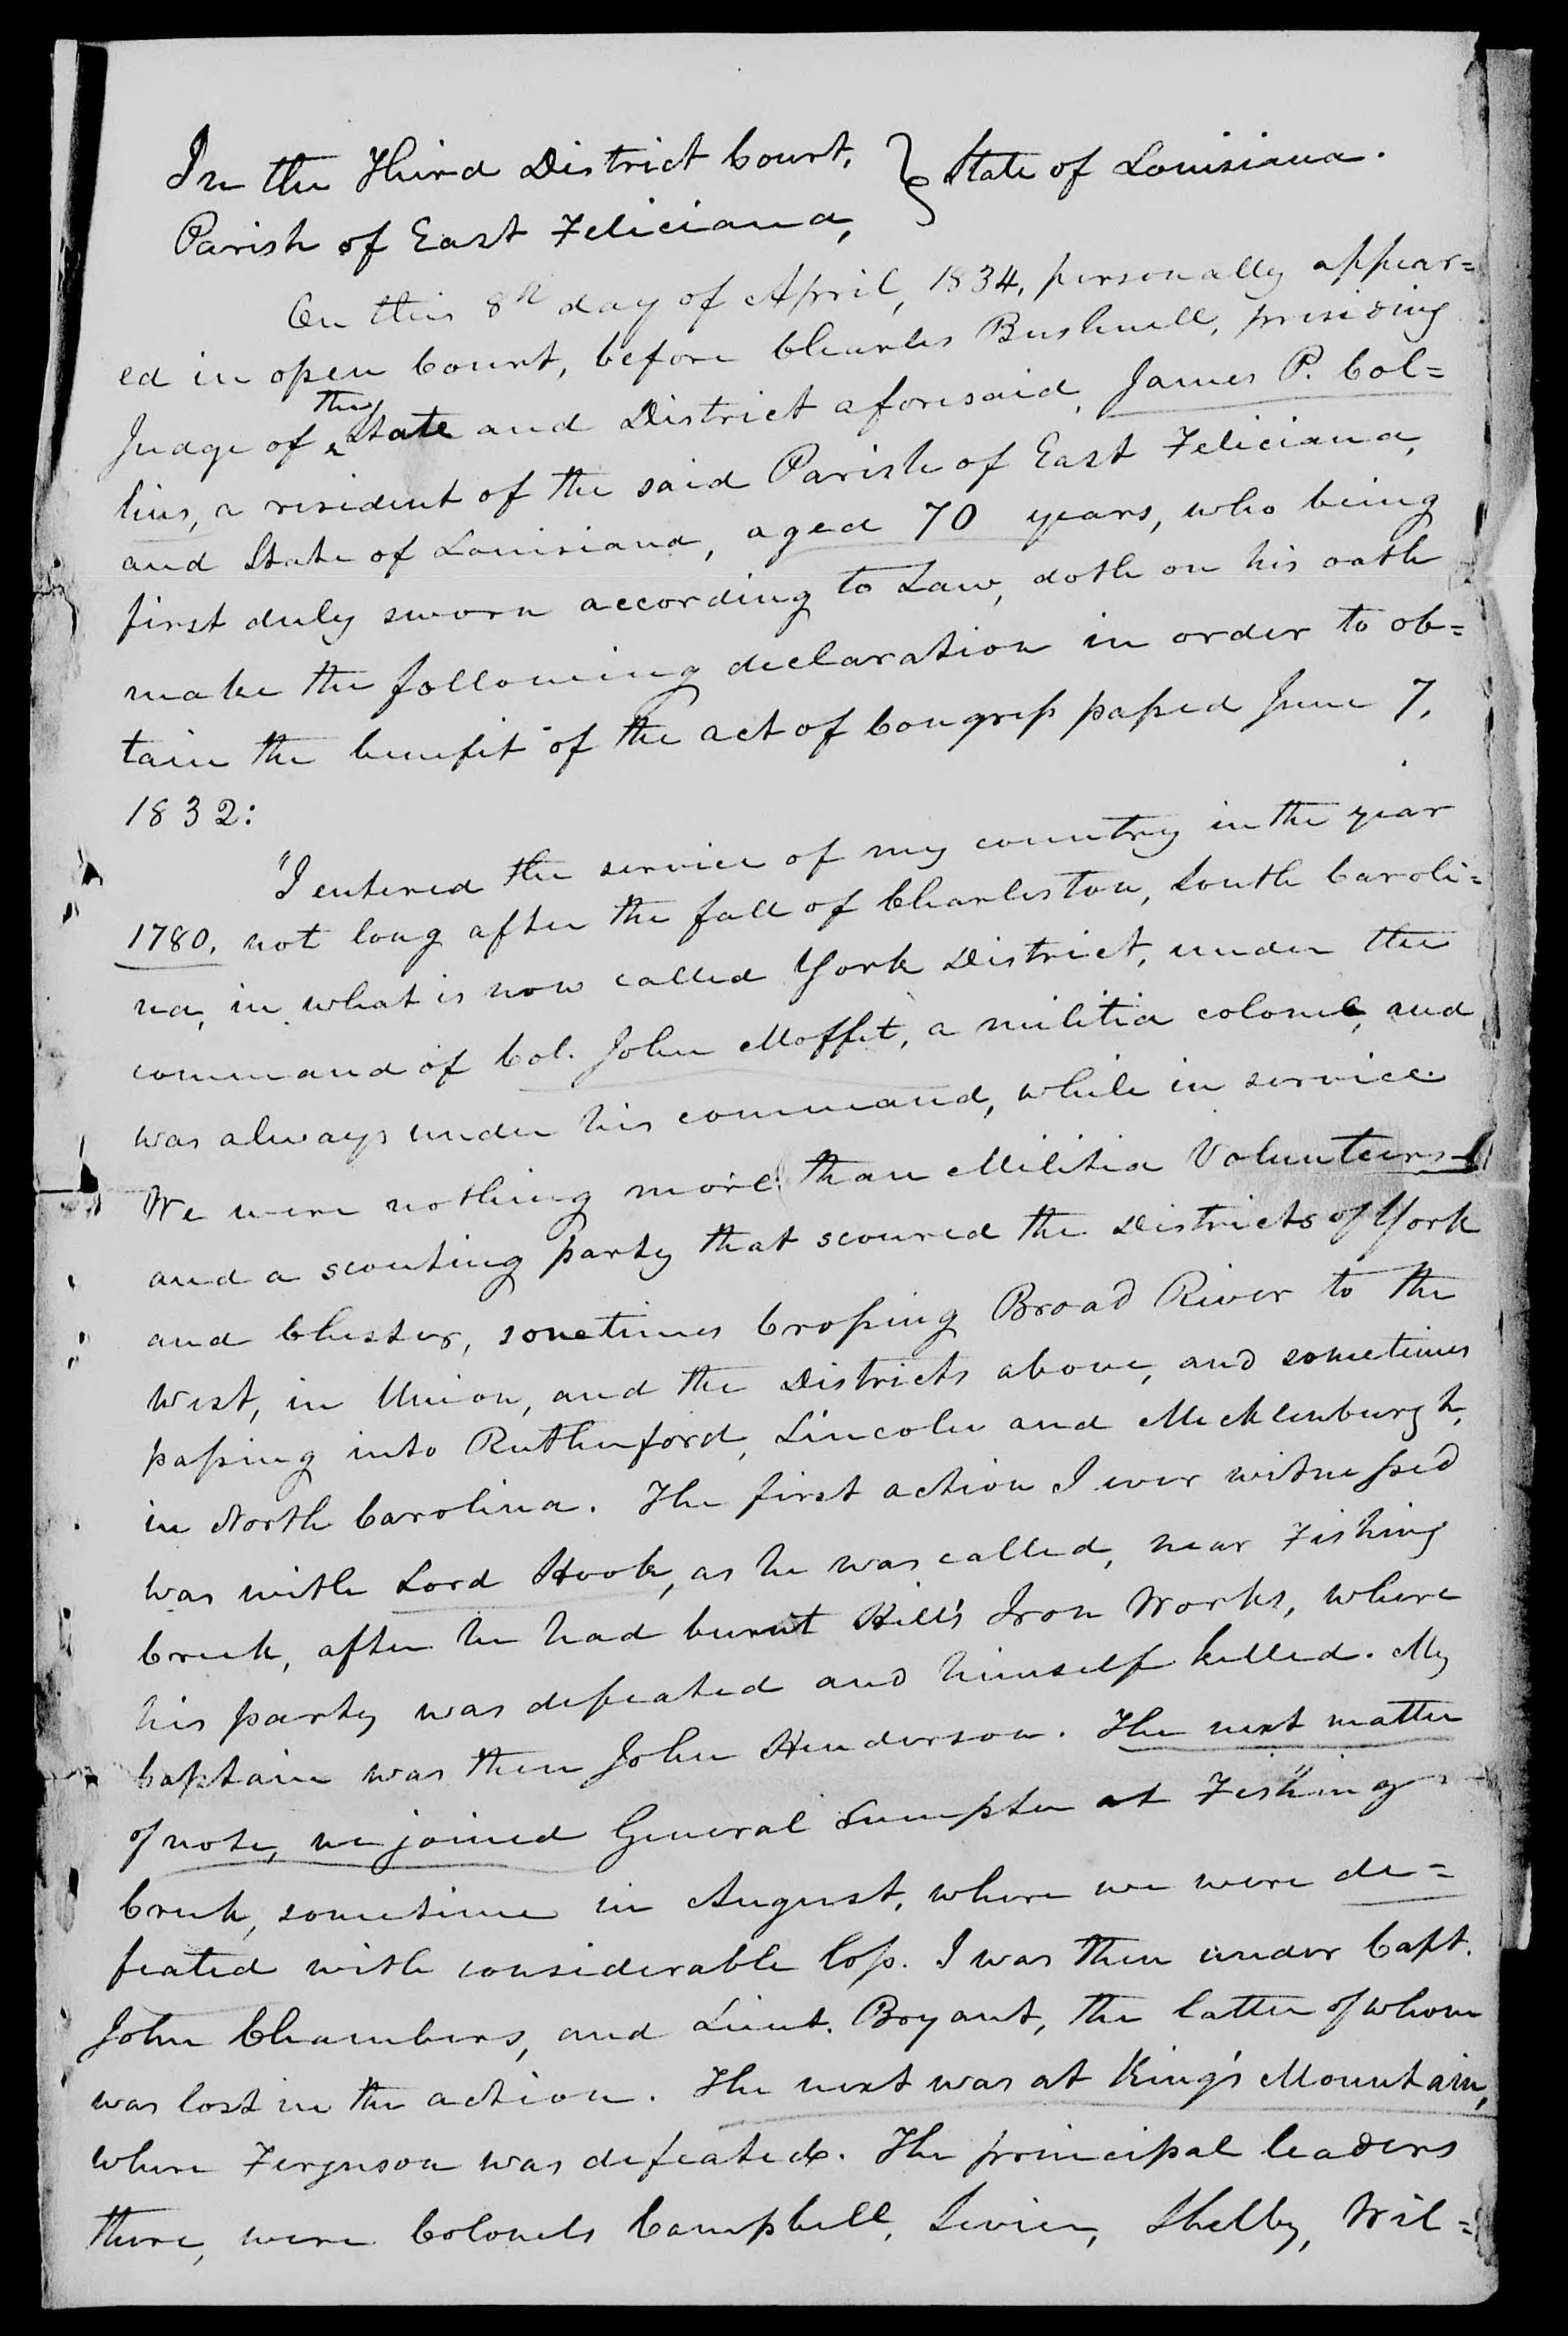In the Third District Court, State of Louisiana
Parish of East Feliciana

On this 8th day of April 1834 personally appeared in open Court, before Charles Bushnell, presiding Judge of the State and District aforesaid, James P. Collins, his, a resident of the said Parish of East Feliciana and State of Louisiana, aged 70 years, who being first duly sworn according to Law, doth on his oath make the following declaration in order to obtain the benefit of the act of Congress passed June 7. 1832.

I entered the service of my country in the year 1780, not long after the fall of Charleston South Carolina in what is now called York District, under the command of Col. John Moffit, a militia colonel and was always under his command, while in service. We were nothing more than Militia Volunteers and a scouting party that scoured the District of York and Chester, sometimes crossing Broad River to the West, in Union, and the District above, and sometimes passing into Rutherford, Lincoln and Mecklenburgh, in North Carolina. The first action I ever witnessed was with Lord Hook as he was called near Fishing Creek, after he had burnt Hill's Iron Works, where his party was defeated and himself killed. My Captain was then John Henderson. The next matter of note, we joined General Sumpter at Fishing  Creek sometime in August, where we were defeated with considerable loss. I was then under Capt John Chambers, and Lieut. Bryant, the latter of whom was lost in the action. The next was at Kings Mountain, where Ferguson was defeated. The principal leaders there were Colonels Campbell, Sevier, Shelby, Wil-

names: John Moffit, Mecklenburgh, Sumpter, Parish, John Chambers, James P, Bryant, Levier, Charles Bushnell, Hook, Rutherford, John Henderson, Campbell, Williams, Ferguson, Shelby, Lincoln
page: 2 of 48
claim: rejected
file: R. 2173, James P Collins, S. C.